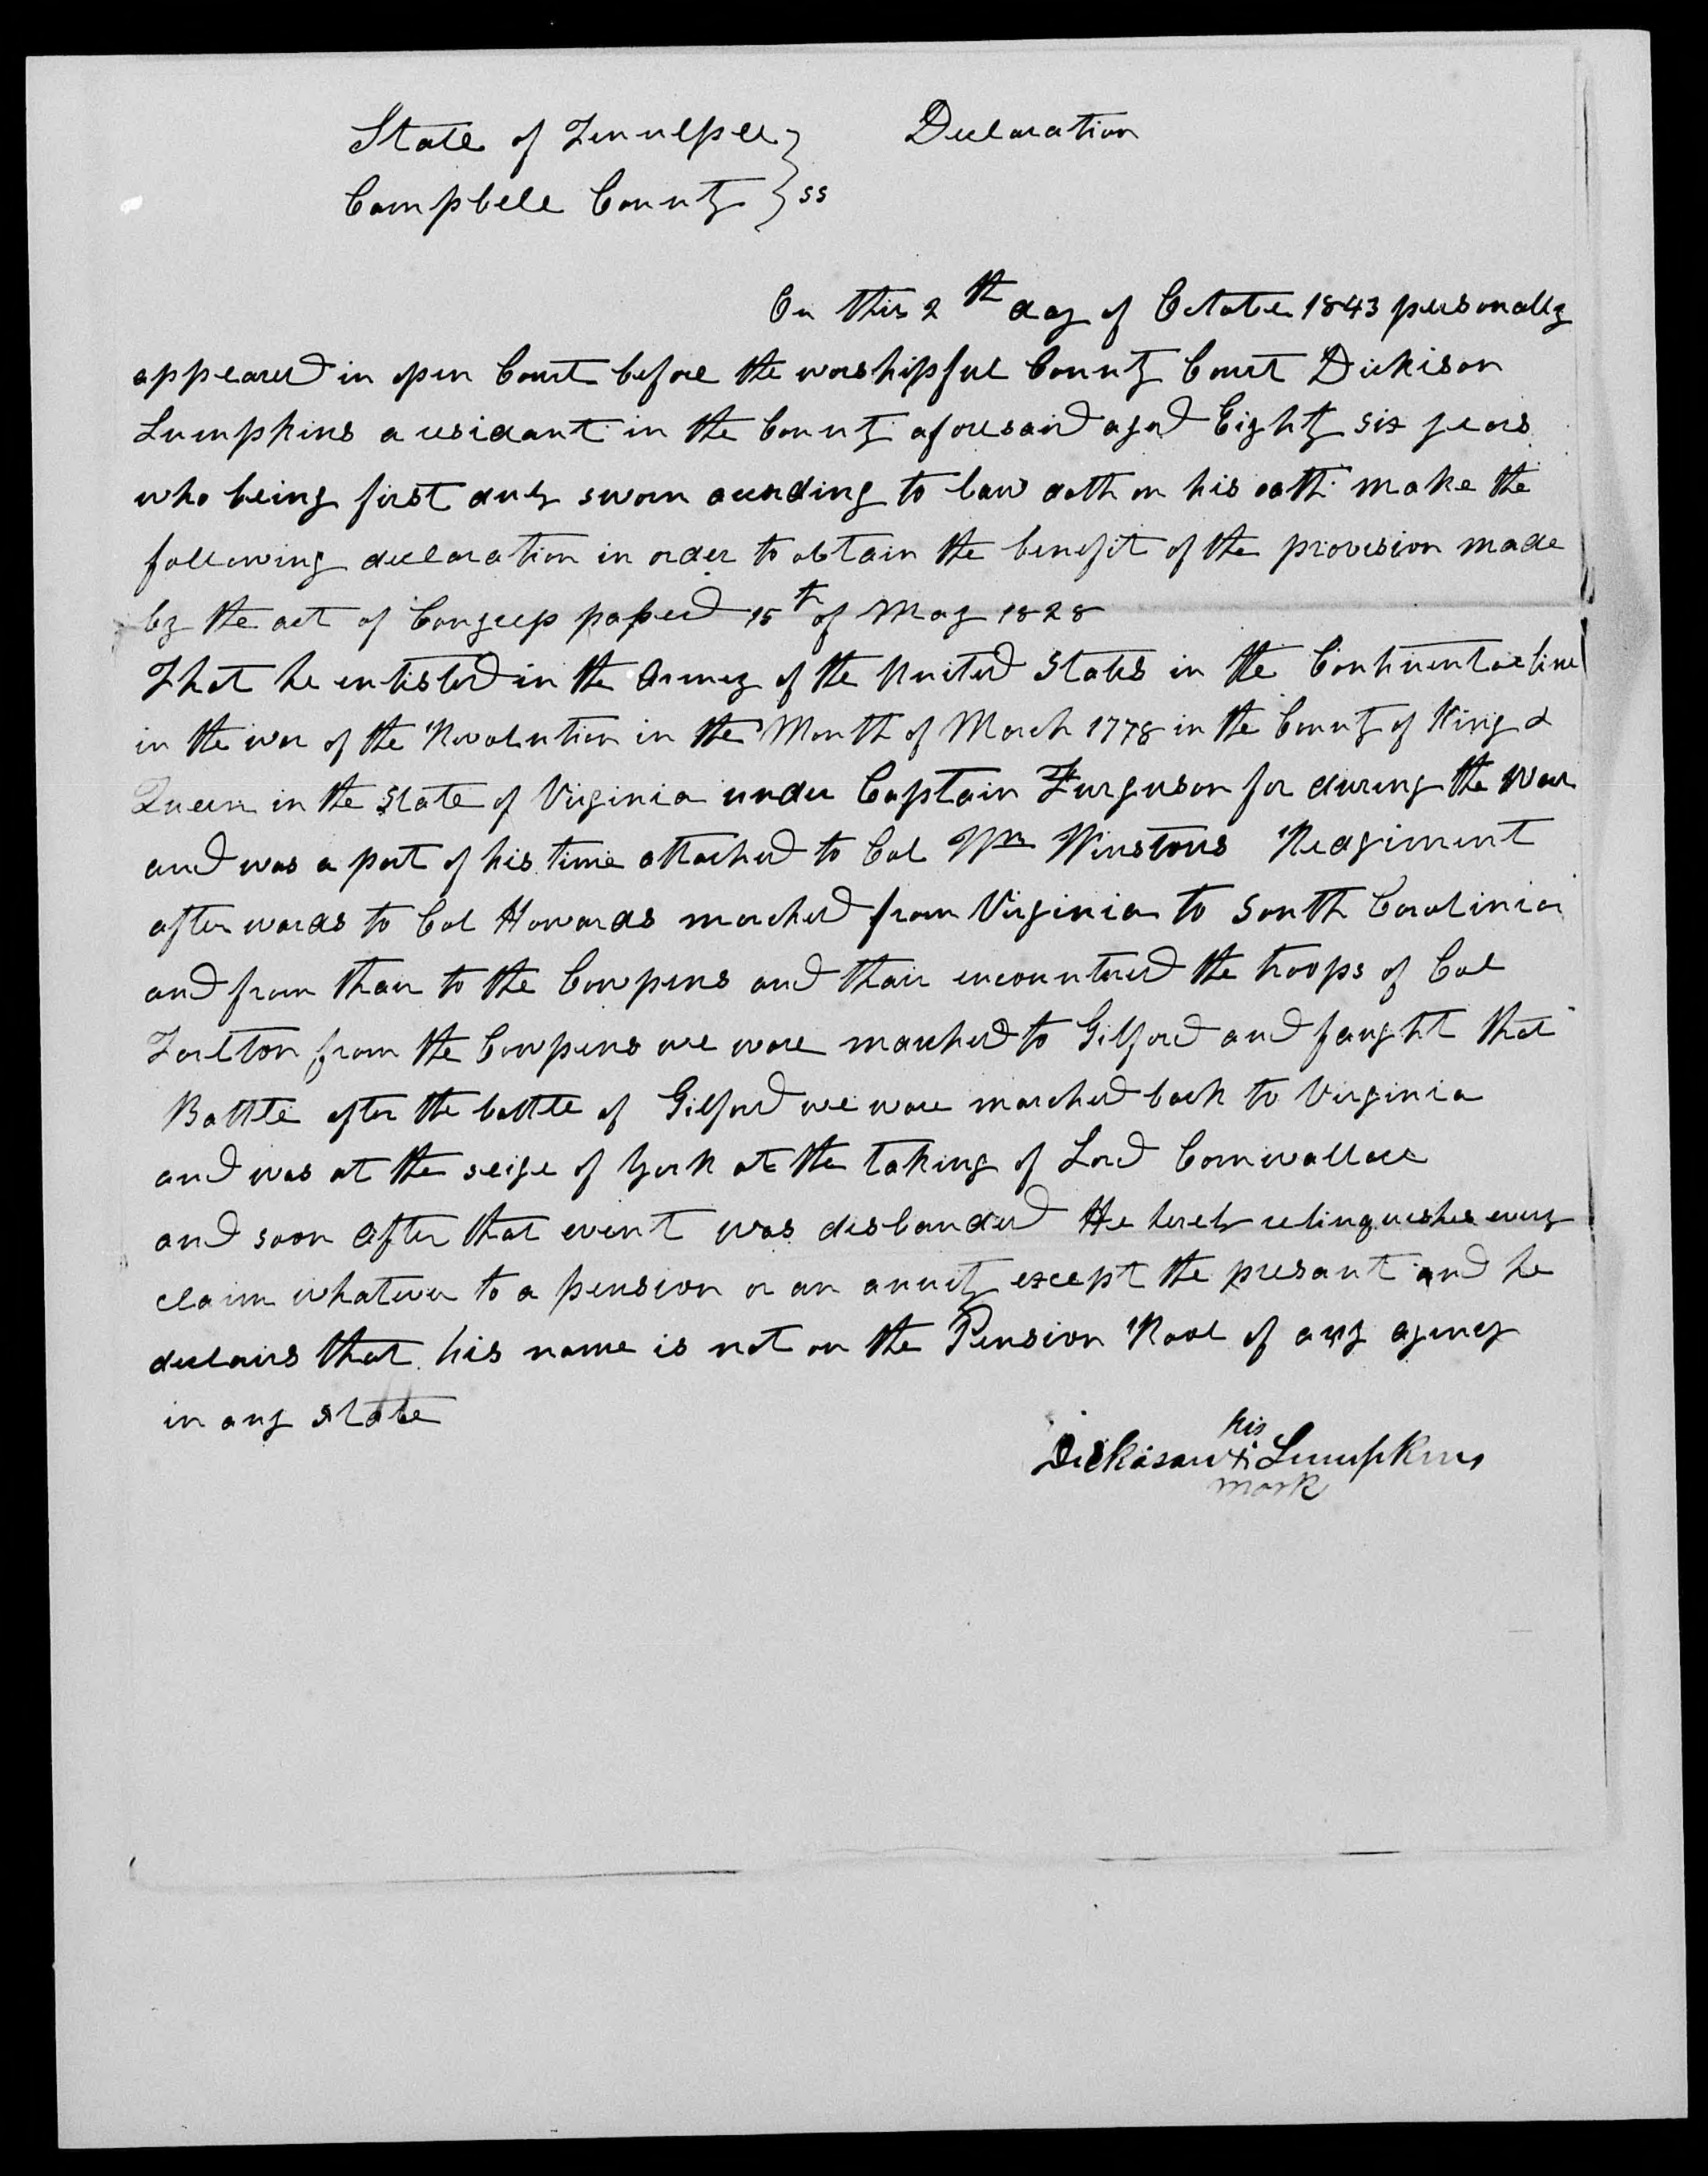(Handwritten document)

Declaration
State of Tennessee
Campbell County ⎬ ss

On this 20th day of October 1843 personally
appeared in open Court before the worshipful County Court Dickison Lumpkins a resident in the County aforesaid aged Eighty six years
who being first duly sworn according to law doth on his oath make the following declaration in order to obtain the benefit of the pension made by the act of Congress passed 15th of May 1828

That he enlisted in the Army of the United States in the Continental line in the war of the Revolution in the month of March 1778 in the County of King & Queen in the State of Virginia under Captain Furguson for during the War and was a part of his time attached to Col Wm Winstons Regiment afterwards to Col Howards marched from Virginia to South Carolina and from then to the Cowpens and their encountered the troops of Col
Tarlton from the Cowpens we were marched to Gilford and fought that Battle after the battle of Guilford we were marched back to Virginia
and was at the seige of York at the taking of Lord Cornwallis and soon after that event was disbanded He hereby relinquishes every
claim whatever to a pension or an annuity except the present and he declairs that his name is not on the Pension Roll of any agency
in any State

Dickison his X mark Lumpkin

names: [BLANK] Cornwallis; [BLANK] Furguson; [BLANK] Howards; [BLANK] Torlton; Dickison Lumpkins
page: 27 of 37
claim: rejected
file: R. 6521, for Dickeson Lumpkin, Pennsylvania